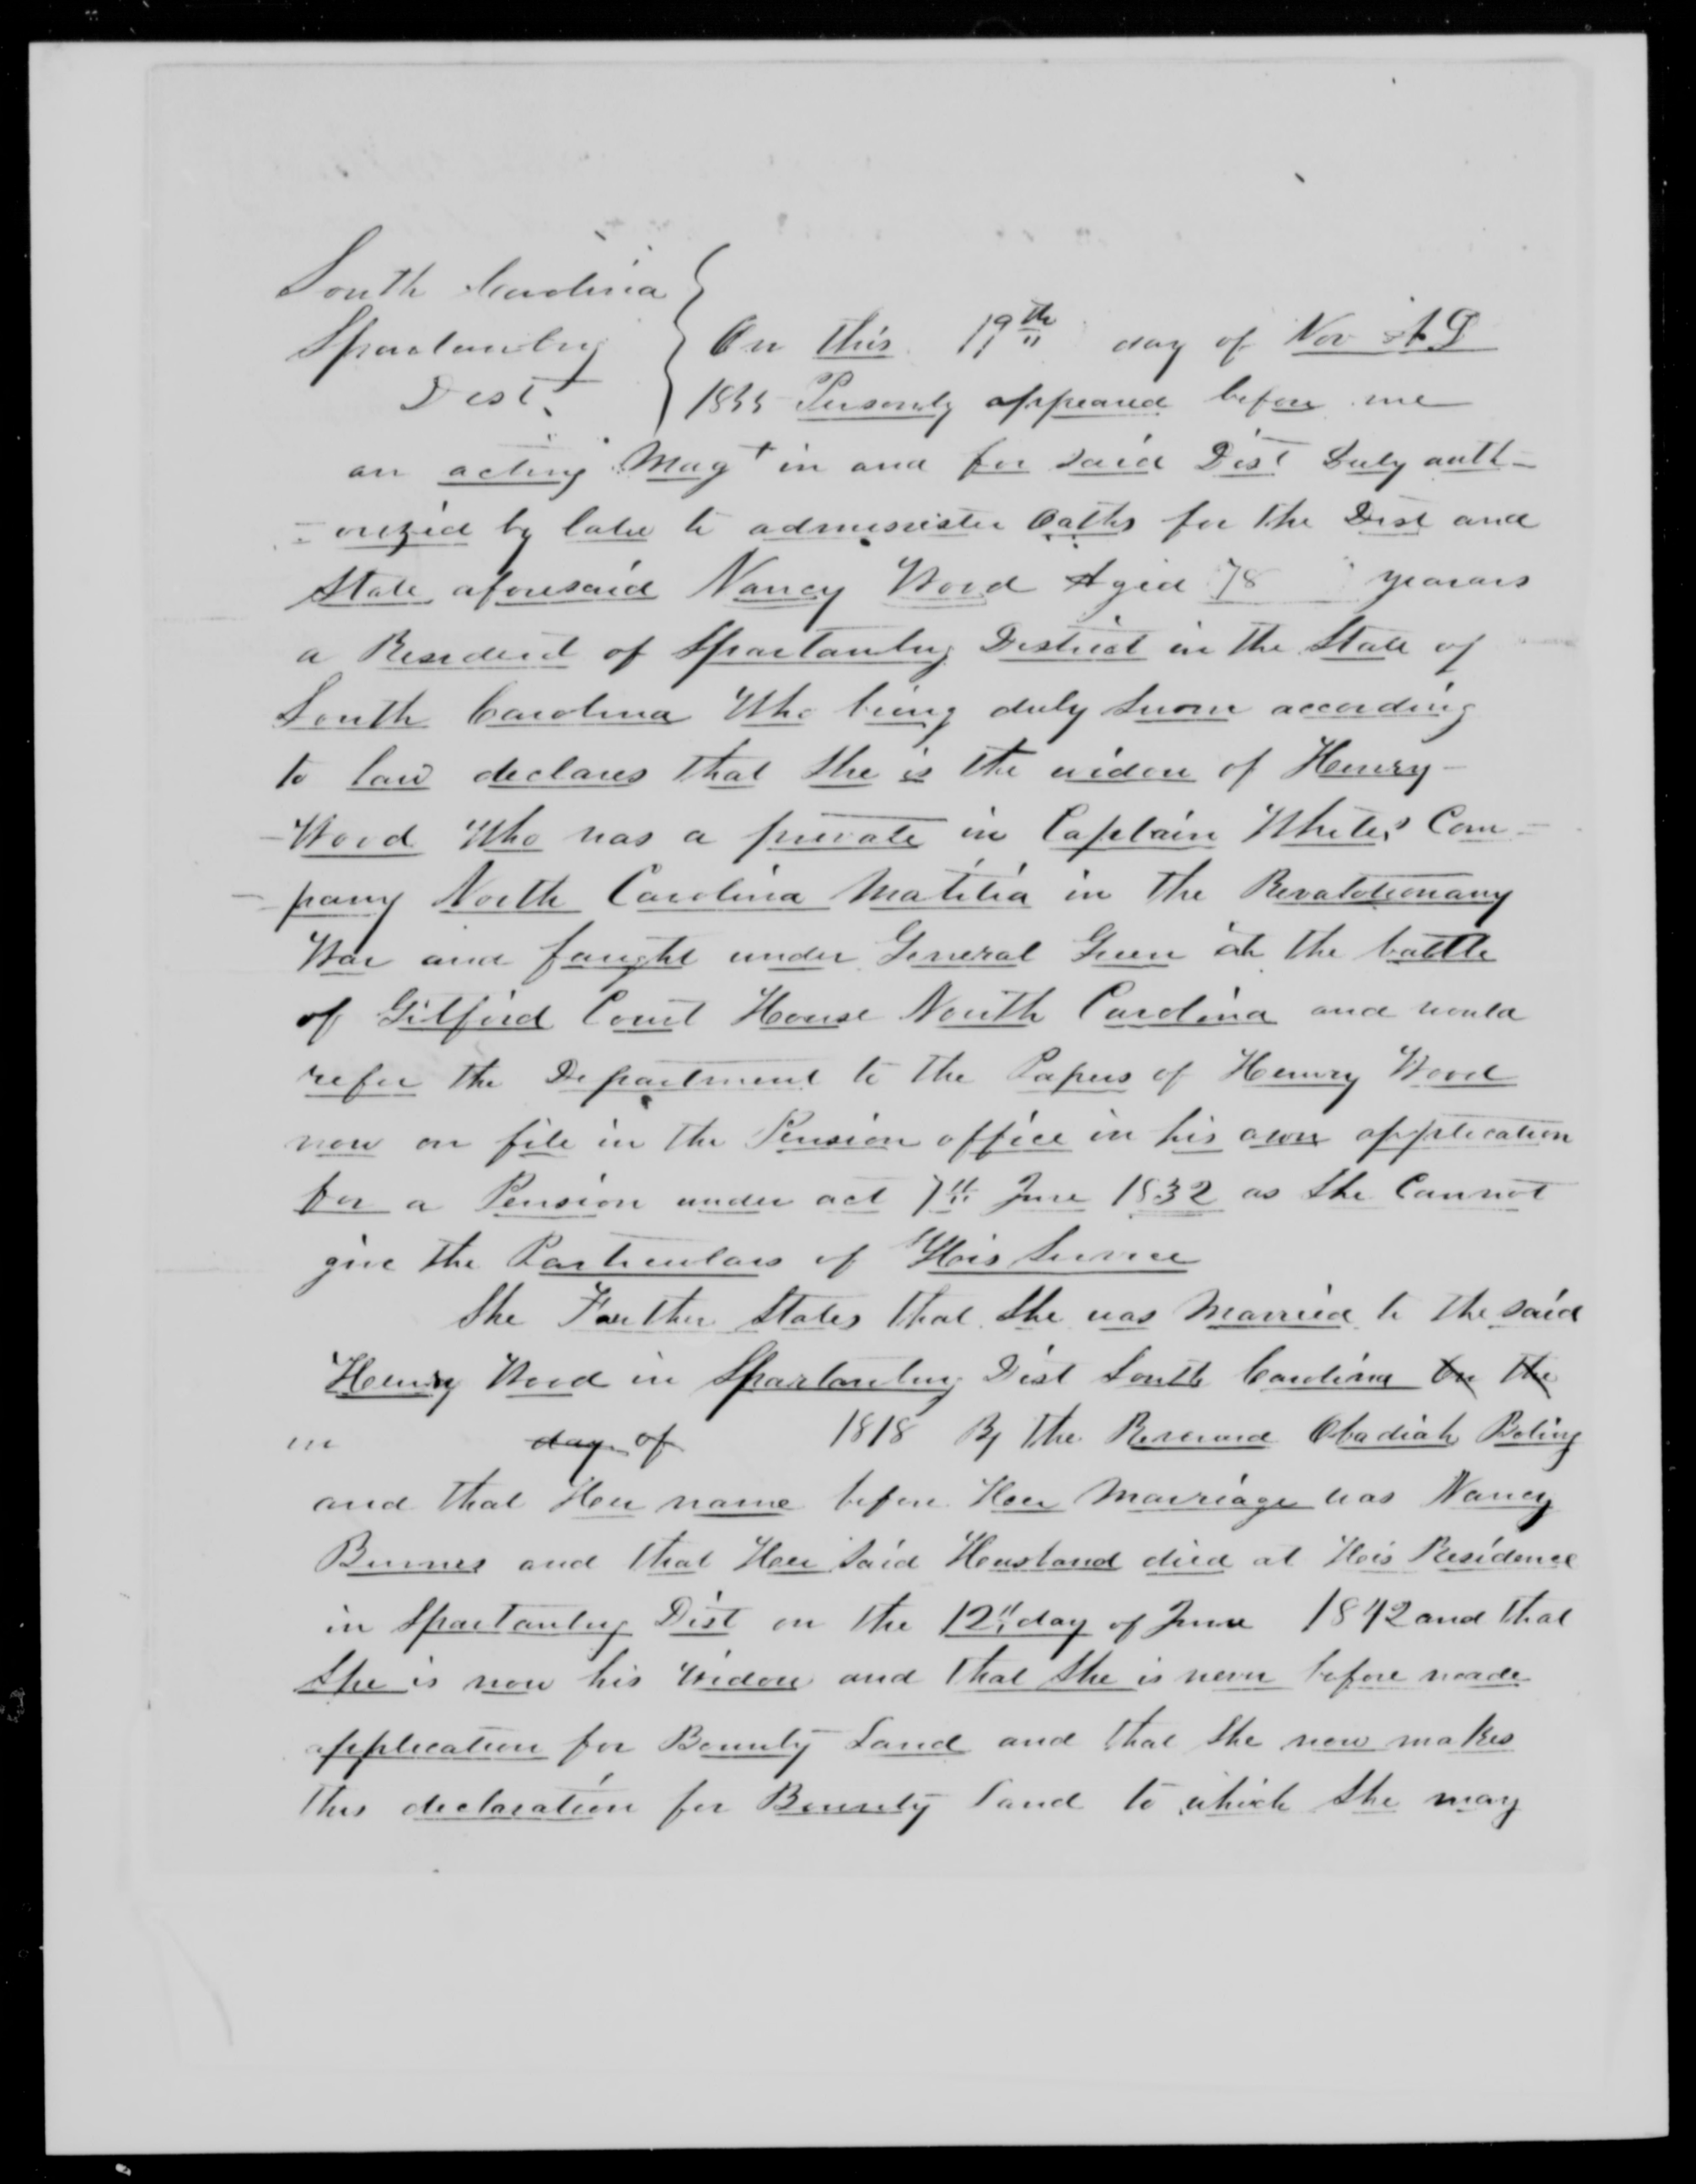South Carolina Spartanburg District
On thia 19th day of Nov 1855 personally appearing before me an acting magistrate in and for said Dist duly authorized by law to administer oaths for the Dist and State aforesaid Nancy Wood aged 78 years a resident of Spartanburg district in the State of South Carolina who being duly sworn according to law declares that she is the widow of Henry Wood who was a private in Captain White's Company South Carolina Militia in the Revolutionary War and fought under General Greene in the battle of Guildford Court House North Carolina and would refer the Department to the papers of Henry Wood now on file in the Pension office in his own application for a pension under act 7th June 1832 as she can not give the particulars of his service.
She further states that she was married to the said Henry Wood in Spartanburg Dist South Carolina on the (blank) day of (blank) 1818 by the Reverand Obadiah Boling and that her name before her marriage was Nancy Burns and that her said husband died at this residence in Spartanburg Dist on the 12th day of June 1842 and that she is now his widow and that she never before made application for Bounty Land and that she now makes this declaration for Bounty Land to which she may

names: Nancy Wood, Obadiah Boling, Henry Wood, Nancy Burnes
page: 3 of 40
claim: rejected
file: R. 11785, Henry Wood, N. C.